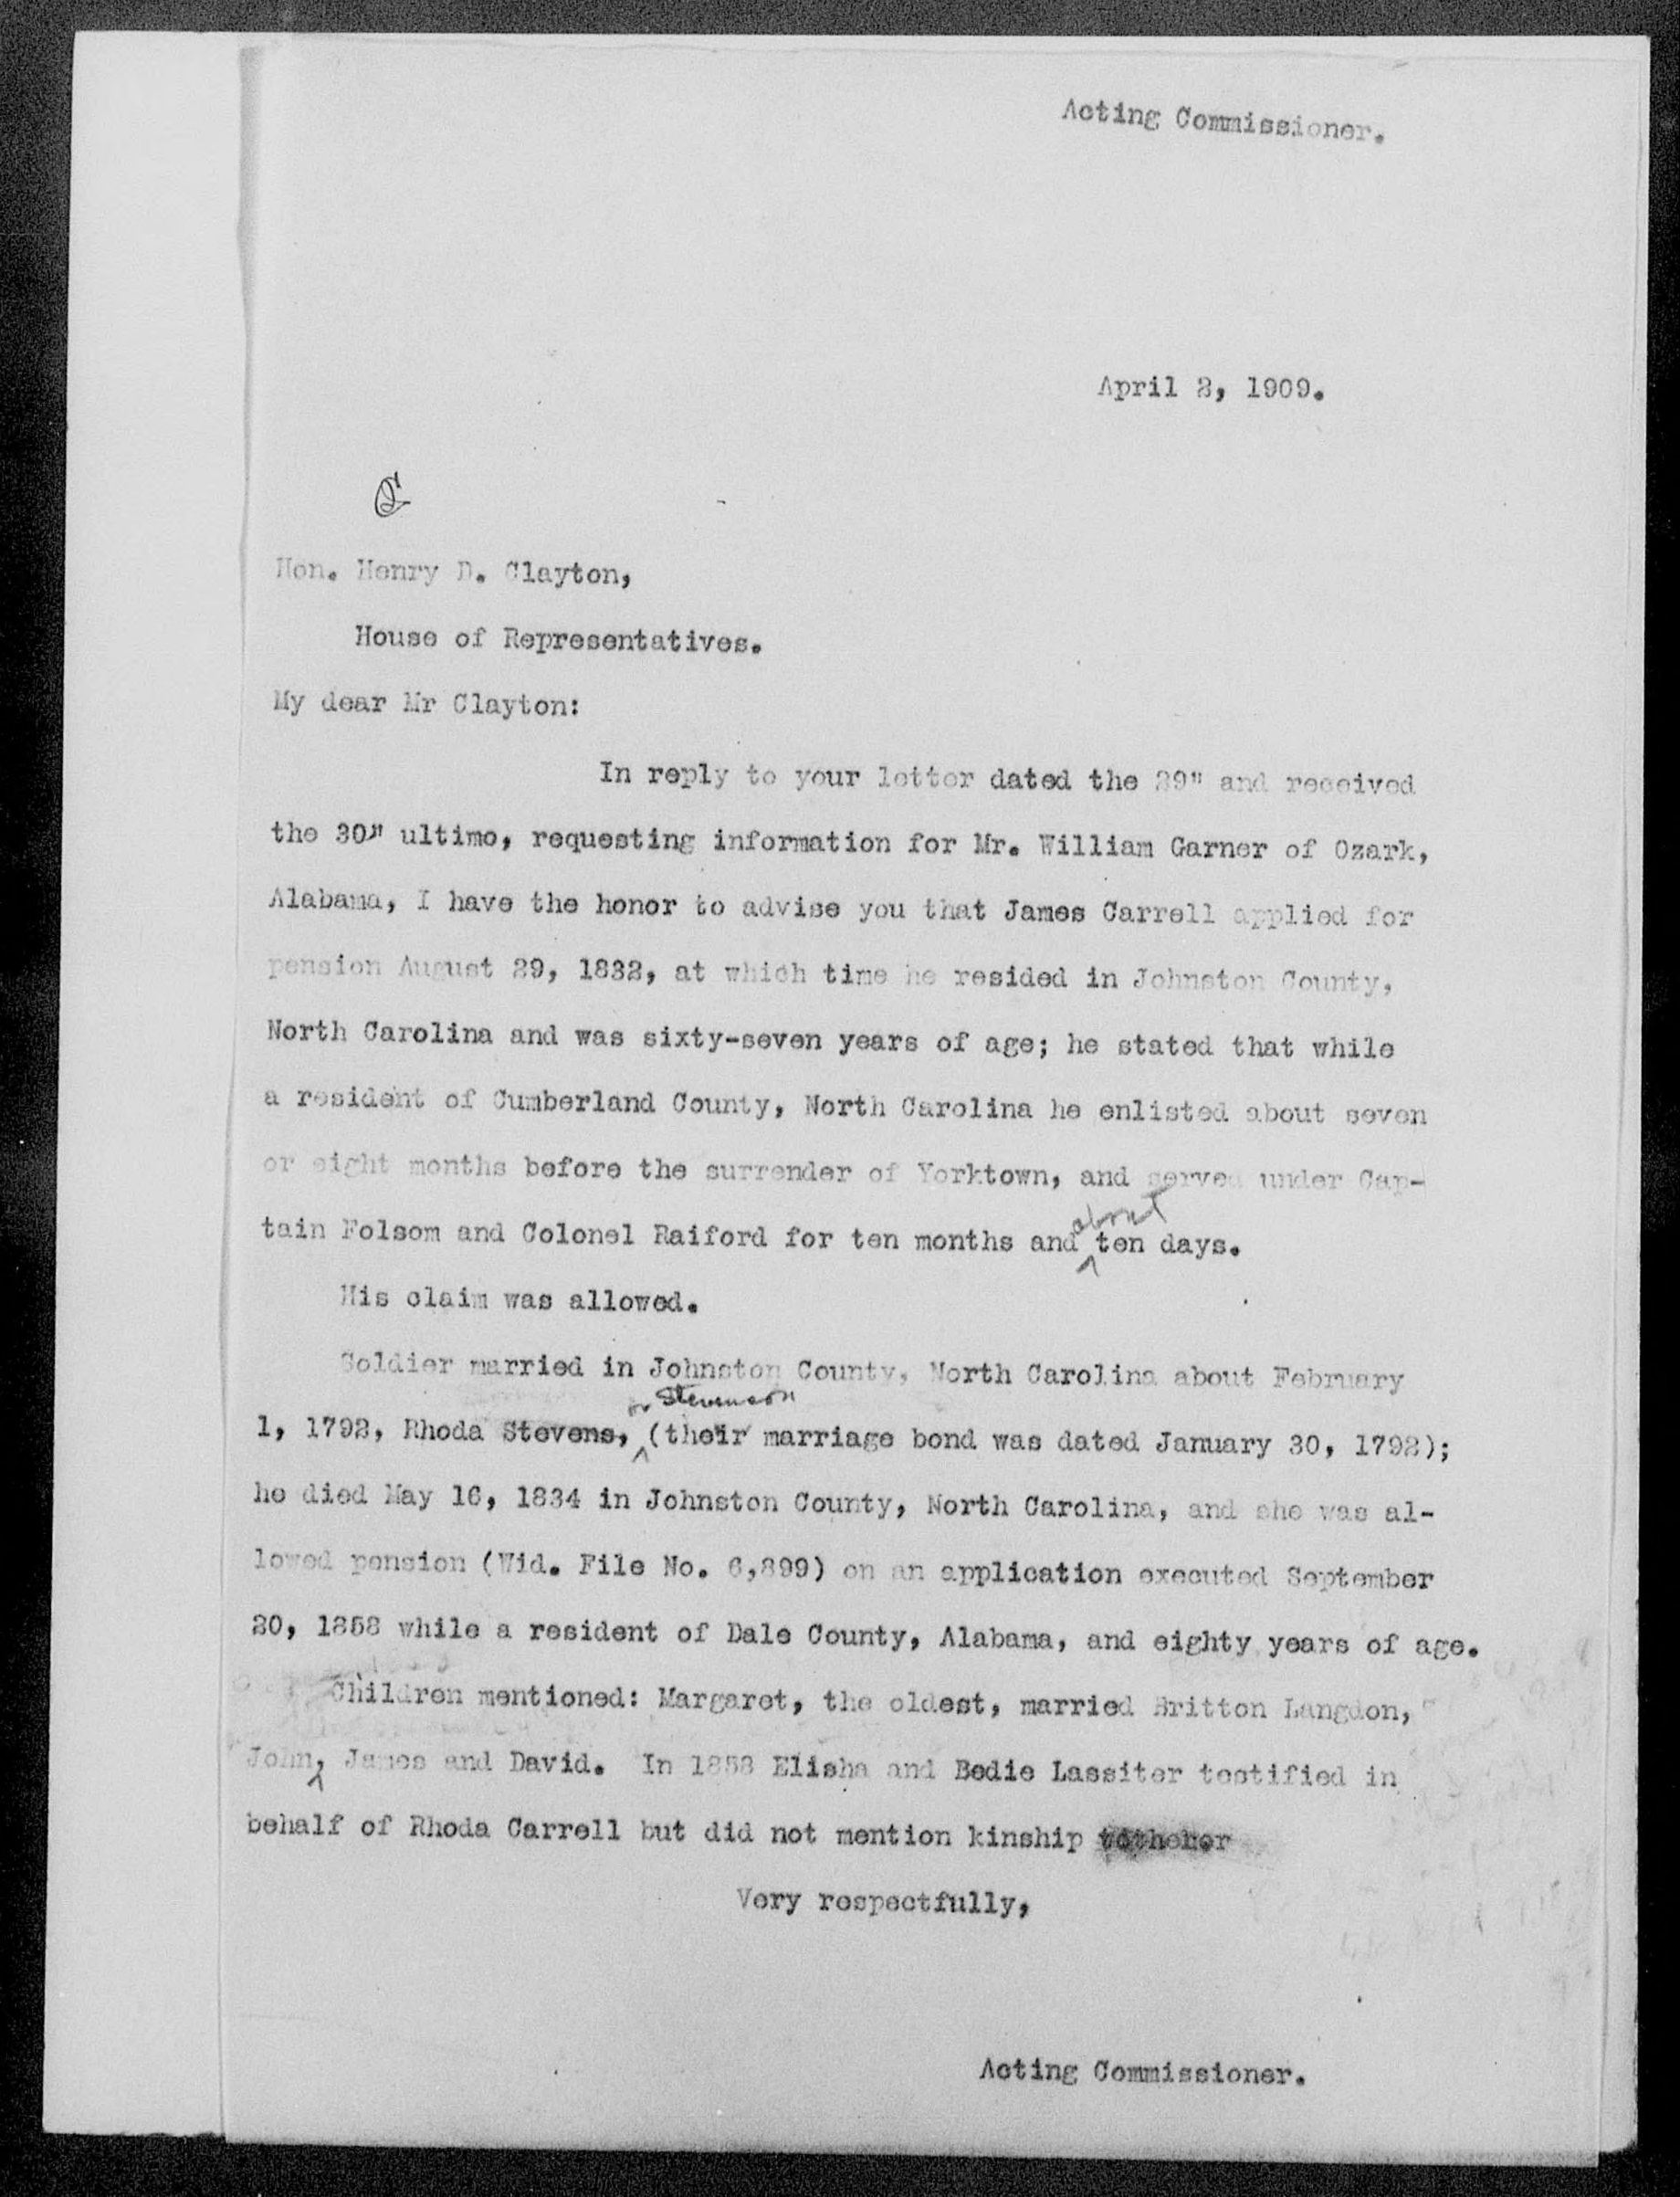April 2, 1909

Hon Henry D Clayton
House of Representatives 

My dear Mr. Clayton:

In reply to your letter dated the 29" and received the 30" ultimo, requesting information for Mr. William Garner of Ozark, Alabama, I have the honor to advise you that James Carrell applied for pension August 29, 1832, at which time he resided in Johnston County, North Carolina and was sixty-seven years of age; he stated that while a resident of Cumberland County, North Carolina he enlisted about seven or eight months before the surrender of Yorktown, and served under Captain Folsom and Colonel Raiford for ten months and about ten days.
His claim was allowed.
Soldier married in Johnston County, North Carolina about February 1, 1792, Rhoda Stevens or Stevenson (their marriage bond was dated January 30, 1792); he died May 16, 1834 in Johnston County, North Carolina, and she was allowed pension (Wid. File No. 6899) on an application executed September 10, 1858 while a resident of Dale County, Alabama, and eighty years of age.
Children mentioned: Margaret, the oldest, married Britton Langdon, John, James and David. In 1853 Elisha and Bedie Lassiter testified in behalf of Rhoda Carrell but did not mention kinship to her.
Very respectfully,

Acting Commissioner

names: John James, Rhoda Stevenson, Clayton, Folsom, James Carrell, Rhoda Carrell, Rhoda Stevens, Henry D Clayton, David James, Margaret, William Garner, Raiford, Britton Langdon, Elisha Lassiter, Bedie Lassiter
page: 85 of 86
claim: widow's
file: W. 6899, James Carrell, N.C.